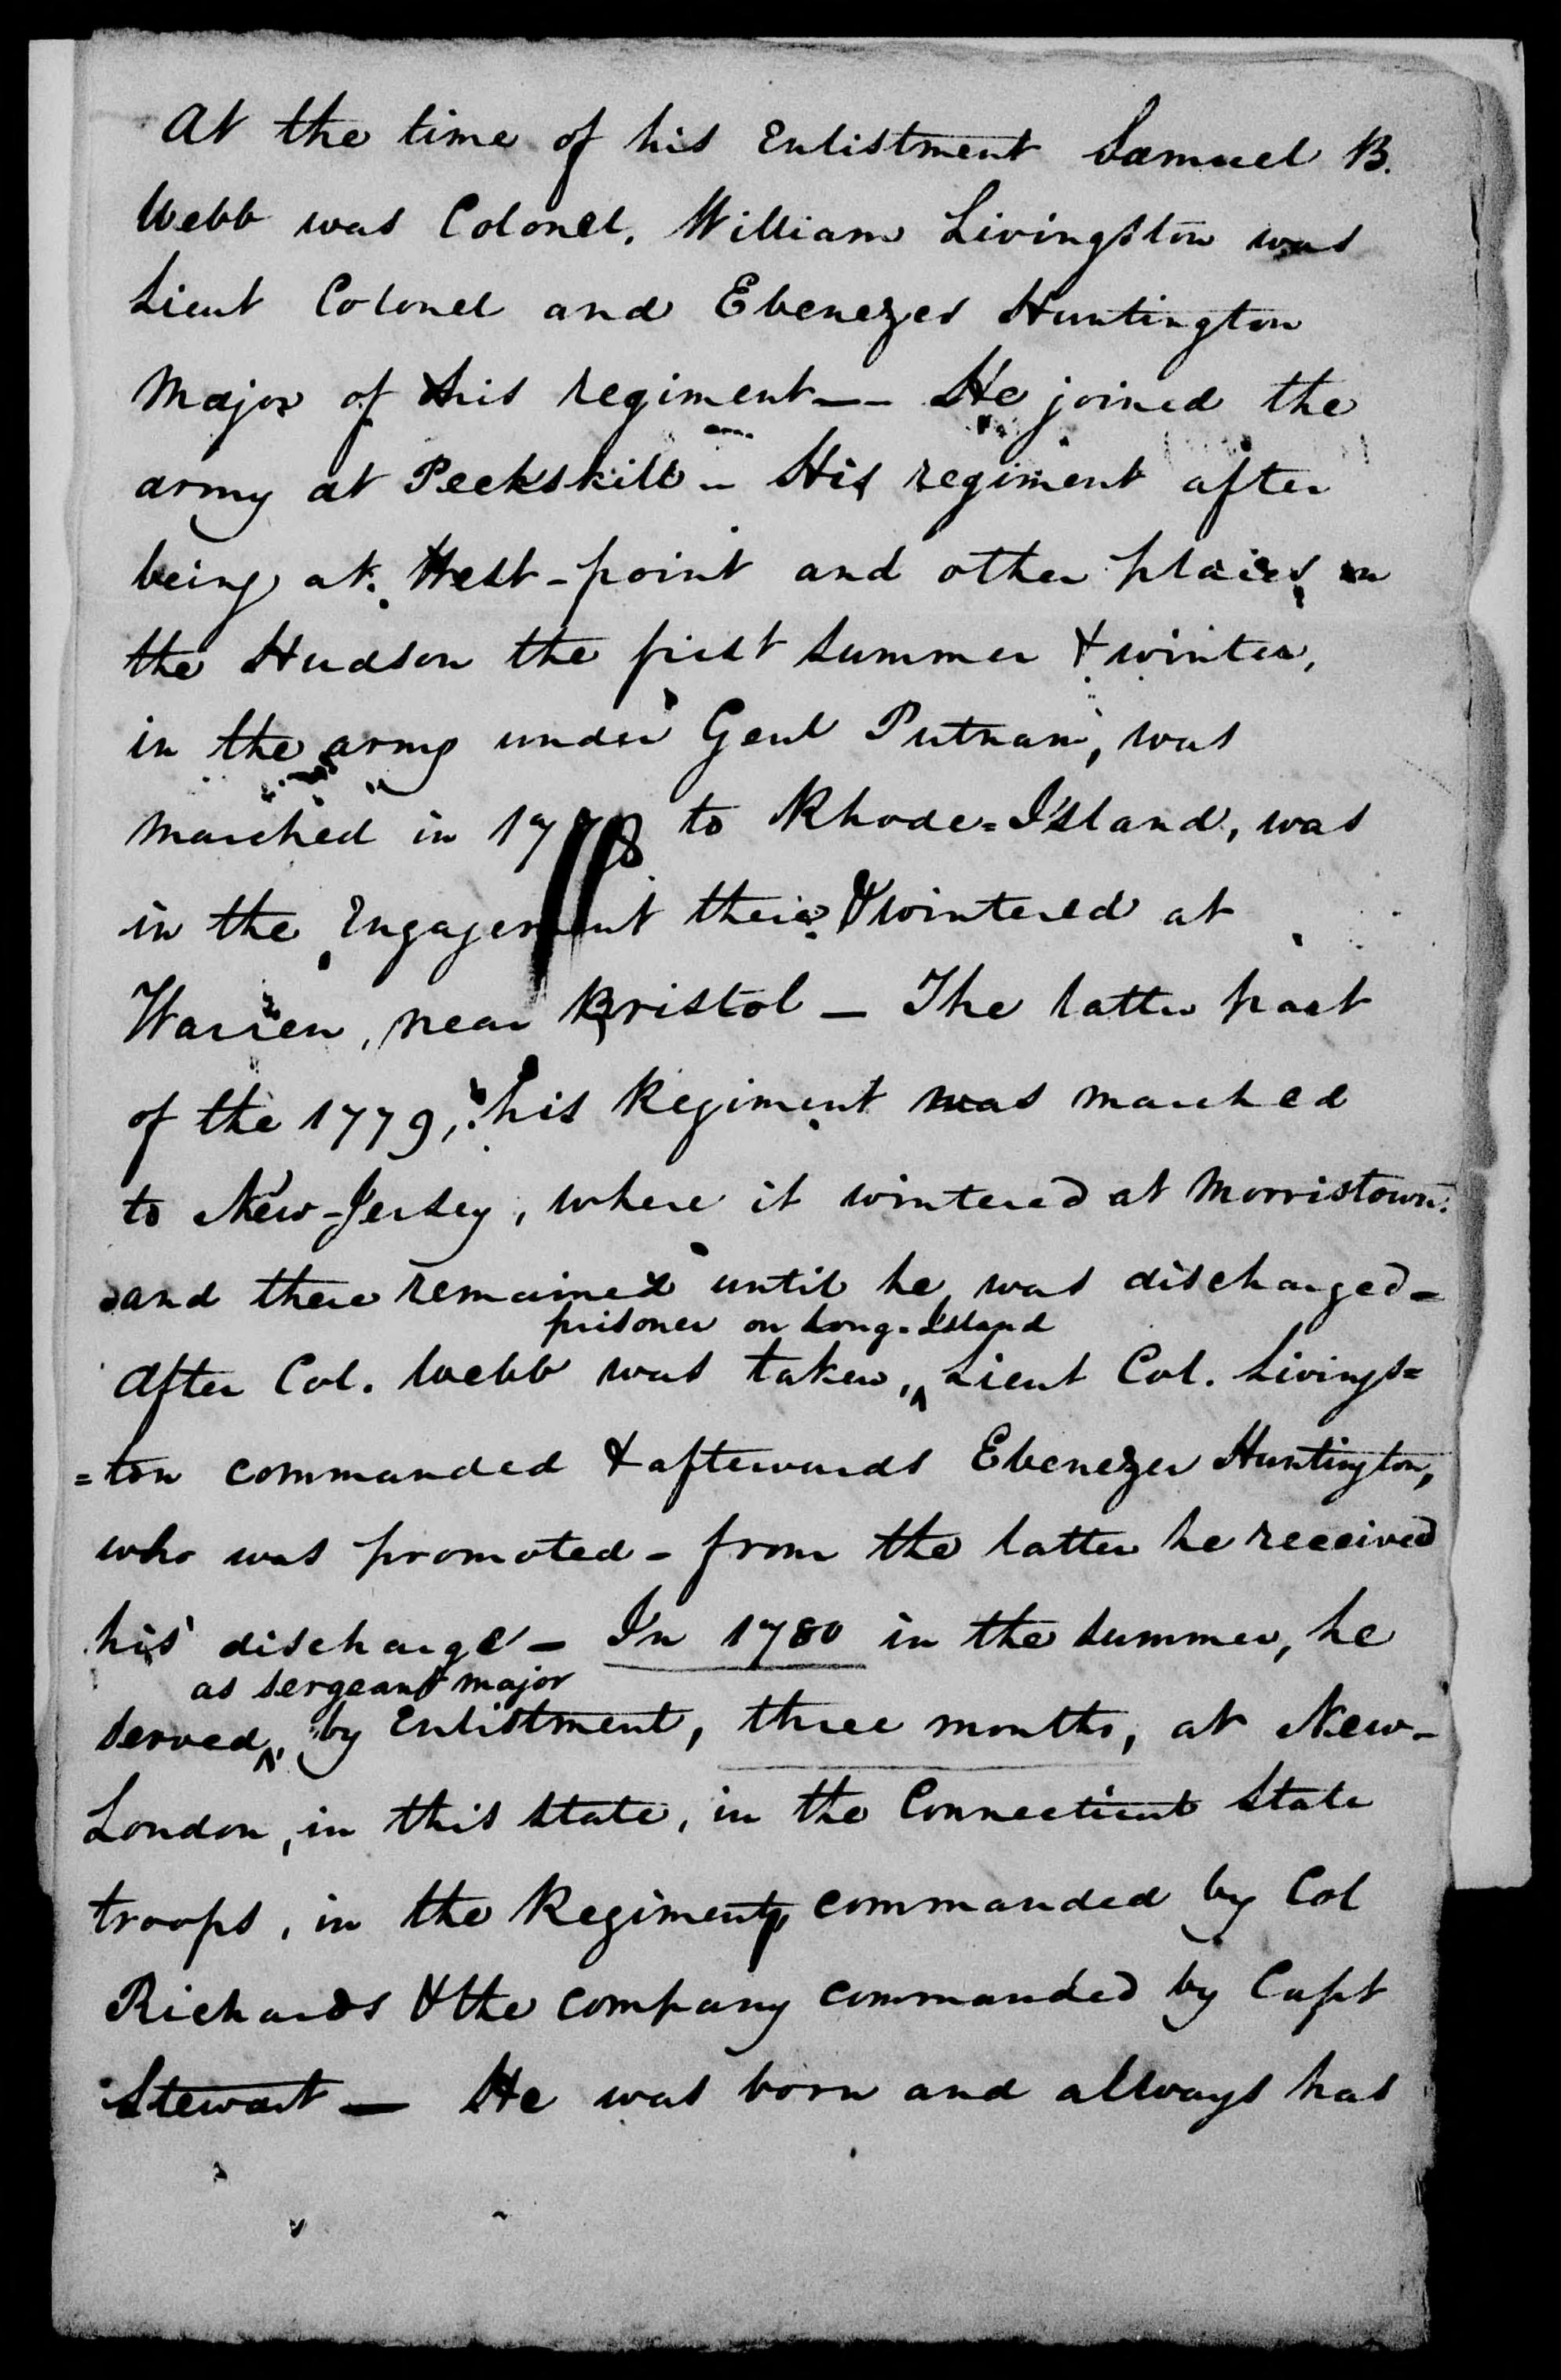At the time of his Enlistment Samuel B. Webb was Colonel, William Livingston was Lieut Colonel and Ebenezer Huntinton Major of his regiment --He joined the army at Peekskill - His regiment after being at West -point and other places on the Hudson the first summer & winter, in the army under Genl Putnam, was marched in 1778 to Rhode Island, was in the Engagement there & wintered at Warren, near Bristol - The latter part of the 1779, his regiment was marched to New-Jersey, where it wintered at Morristown and there remained until he was discharged - After Col. Webb was taken prisoner on Long-Island Lieut Col. Livingston commanded & afterwards Ebenezer Huntington who was promoted - from the latter he received his discharge - In 1780 in the summer, he served as sergeant major by Enlistment, three months, at New London, in this state, in the Connecticut State troops, in the Regiment commanded by Col Richards & the company commanded by Capt Stewart -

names: Samuel B Webb, Stewart, William Livingston, Richards, Ebenezer Huntington, Putnam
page: 7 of 63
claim: survivor's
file: S. 18457, Elisha Hubbard, Conn. Continental